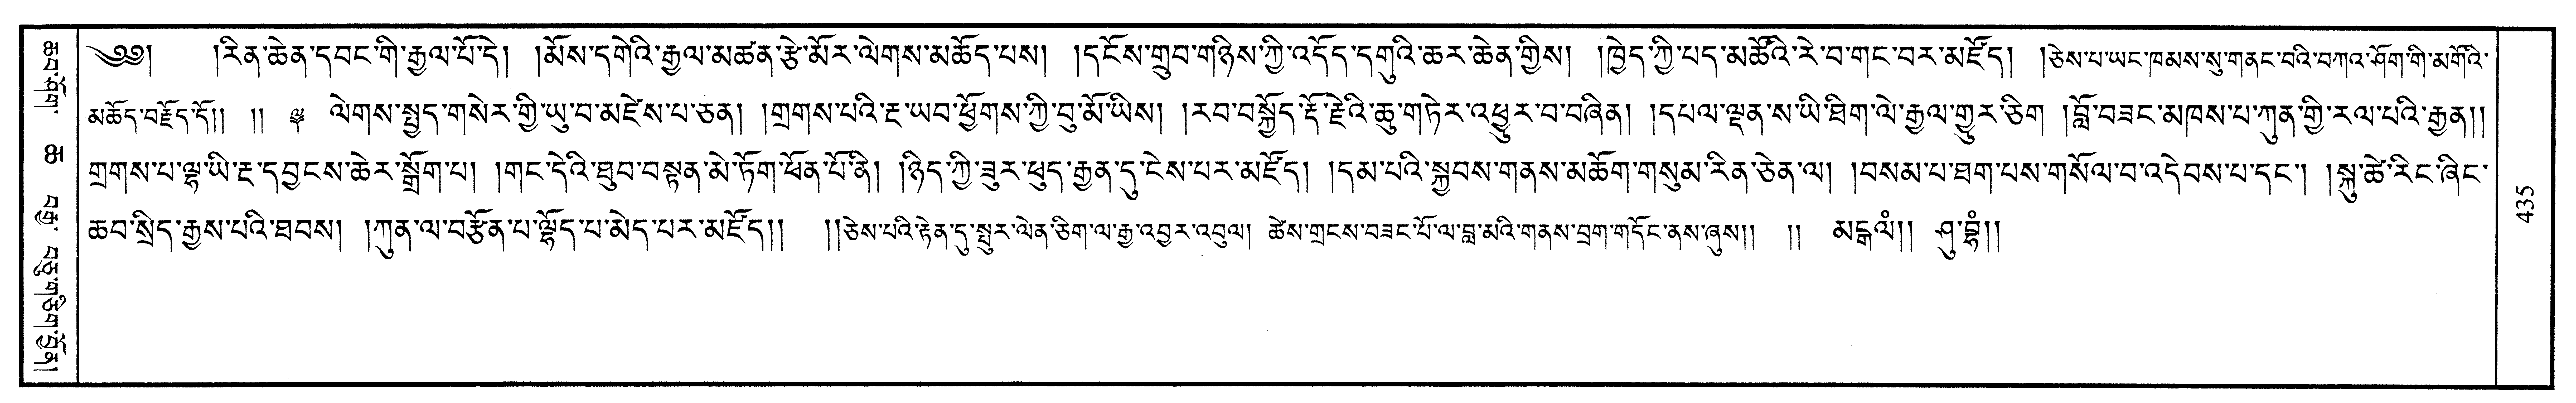༄༅། །རིན་ཆེན་དབང་གི་རྒྱལ་པོ་དེ། །མོས་དགེའི་རྒྱལ་མཚན་རྩེ་མོར་ལེགས་མཆོད་པས། །དངོས་གྲུབ་གཉིས་ཀྱི་འདོད་དགུའི་ཆར་ཆེན་གྱིས། །ཁྱེད་ཀྱི་པད་མཚོའི་རེ་བ་གང་བར་མཛོད། །ཅེས་པ་ཡང་ཁམས་སུ་གནང་བའི་བཀའ་ཤོག་གི་མགོའི་
མཆོད་བརྗོད་དོ།། །། ༈ ལེགས་སྤྱད་གསེར་གྱི་ཡུ་བ་མཛེས་པ་ཅན། །གྲགས་པའི་རྔ་ཡབ་ཕྱོགས་ཀྱི་བུ་མོ་ཡིས། །རབ་བསྐྱོད་རྡོ་རྗེའི་ཆུ་གཏེར་འཕྱུར་བ་བཞིན། །དཔལ་ལྡན་ས་ཡི་ཐིག་ལེ་རྒྱལ་གྱུར་ཅིག །བློ་བཟང་མཁས་པ་ཀུན་གྱི་རལ་པའི་རྒྱན།།
གྲགས་པ་ལྷ་ཡི་རྔ་དབྱངས་ཆེར་སྒྲོག་པ། །གང་དེའི་ཐུབ་བསྟན་མེ་ཏོག་ཕོན་པོ་ནི། །ཉིད་ཀྱི་ཟུར་ཕུད་རྒྱན་དུ་ངེས་པར་མཛོད། །དམ་པའི་སྐྱབས་གནས་མཆོག་གསུམ་རིན་ཅེན་ལ། །བསམ་པ་ཐག་པས་གསོལ་བ་འདེབས་པ་དང་། །སྐུ་ཚེ་རིང་ཞིང་
ཆབ་སྲིད་རྒྱས་པའི་ཐབས། །ཀུན་ལ་བརྩོན་པ་ལྷོད་པ་མེད་པར་མཛོད། །ཅེས་པའི་རྟེན་དུ་སྤུར་ལེན་ཅིག་ལ་རྒྱ་འབྱར་འབུལ། ཚེས་གྲངས་བཟང་པོ་ལ་བླ་མའི་གནས་བྲག་གདོང་ནས་ཞུས།། ཨ།།མངྒལཾ་ཤུ་བྷཾ།།